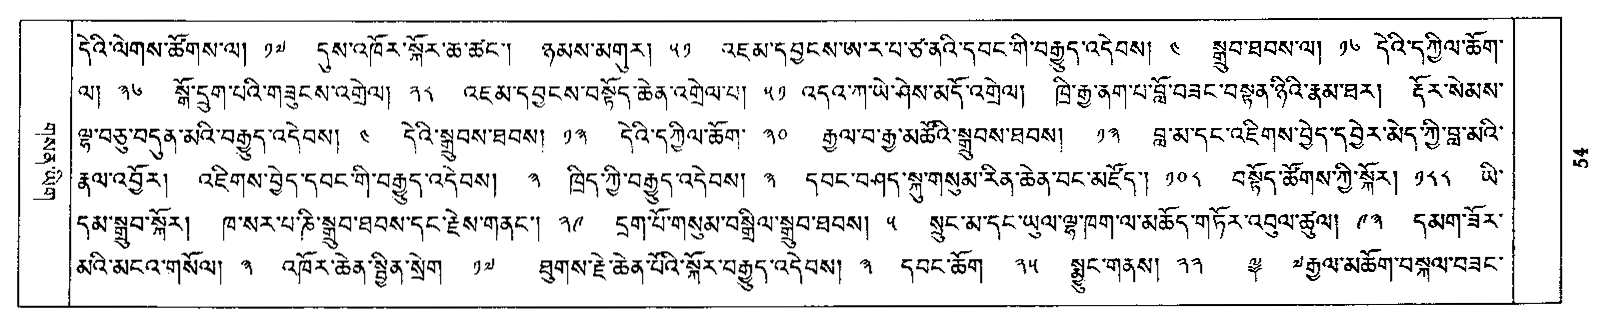དེའི་ལེགས་ཚོགས་ལ། ༡༧་དུས་འཁོར་སྐོར་ཆ་ཚང་། ཉམས་མགུར། ༥༡་འཇམ་དབྱངས་ཨ་ར་པ་ཙ་ནའི་དབང་གི་བརྒྱུད་འདེབས། ༤་སྒྲུབ་ཐབས་ལ། ༡༦་དེའི་དཀྱིལ་ཆོག་
ལ། ༣༦་སྒོ་དྲུག་པའི་གཟུངས་འགྲེལ། ༢༨་འཇམ་དབྱངས་བསྟོད་ཆེན་འགྲེལ་པ། ༥༡་འདའ་ཀ་ཡེ་ཤེས་མདོ་འགྲེལ། ཁྲི་རྒྱ་ནག་པ་བློ་བཟང་བསྟན་ཉིའི་རྣམ་ཐར། རྡོར་སེམས་
ལྷ་བཅུ་བདུན་མའི་བརྒྱུད་འདེབས། ༤་དེའི་སྒྲུབས་ཐབས། ༡༣་དེའི་དཀྱིལ་ཆོག ༣༠་རྒྱལ་བ་རྒྱ་མཚོའི་སྒྲུབས་ཐབས། ༡༣་བླ་མ་དང་འཇིགས་བྱེད་དབྱེར་མེད་ཀྱི་བླ་མའི་
རྣལ་འབྱོར། འཇིགས་བྱེད་དབང་གི་བརྒྱུད་འདེབས། ༣་ཁྲིད་ཀྱི་བརྒྱུད་འདེབས། ༣་དབང་བཤད་སྐུ་གསུམ་རིན་ཆེན་བང་མཛོད། ༡༠༨་བསྟོད་ཚོགས་ཀྱི་སྐོར། ༡༨༨་ཡི་
དམ་སྒྲུབ་སྐོར། ཁ་སར་པ་ཎི་སྒྲུབ་ཐབས་དང་རྗེས་གནང་། ༢༩་དྲག་པོ་གསུམ་བསྒྲིལ་སྒྲུབ་ཐབས། ༥་སྲུང་མ་དང་ཡུལ་ལྷ་ཁག་ལ་མཆོད་གཏོར་འབུལ་ཚུལ། ༩༣་དམག་ཟོར་
མའི་མངའ་གསོལ། ༣་འཁོར་ཆེན་སྦྱིན་སྲེག ༡༧་ཐུགས་རྗེ་ཆེན་པོའི་སྐོར་བརྒྱུད་འདེབས། ༣་དབང་ཆོག ༢༥་སྨྱུང་གནས། ༢༢་༈ རྒྱལ་མཆོག་བསྐལ་བཟང་